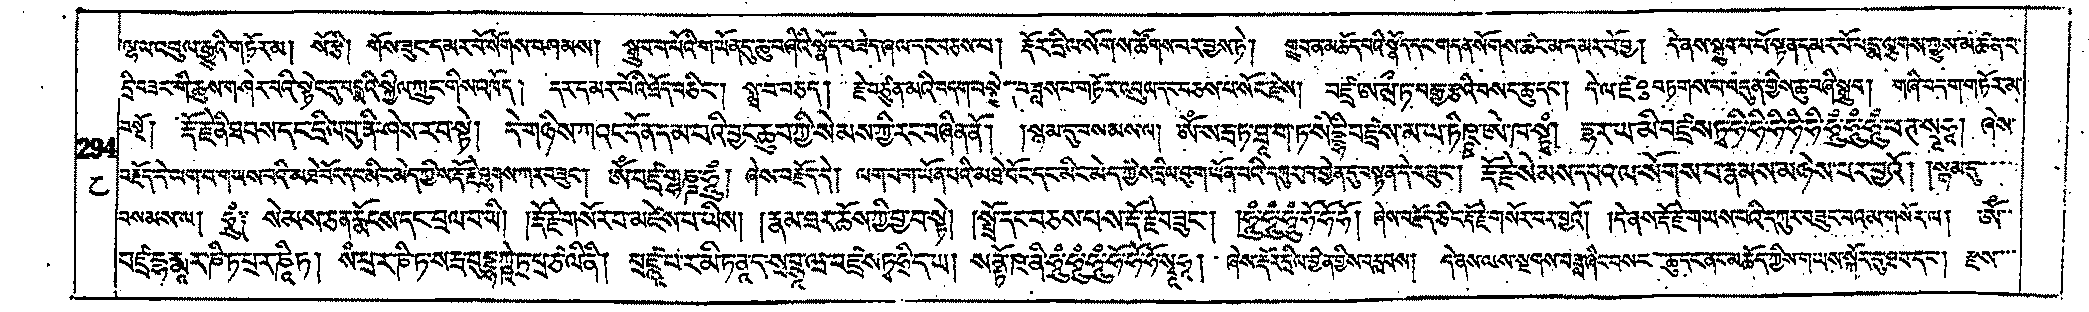ལྷ་ལ་འབུལ་རྒྱུའི་གཏོར་མ། སོ་རྩི། གོས་ཟུང་དམར་པོ་སོགས་བཤམས། སྒྲུབ་པ་པོའི་གཡོན་དུ་ཆུ་བཞིའི་སྣོད་བཟེད་ཞལ་དང་བཅས་པ། རྡོར་དྲིལ་སོགས་ཚོགས་པར་བྱས་ཏེ། གྲུབ་ན་མཆོད་པའི་སྣོད་དང་གདན་སོགས་ཚང་མ་དམར་པོ་བྱ། དེ་ནས་སྒྲུབ་པ་པོ་སྟན་དམར་པོ་པདམ་ལྕགས་ཀྱུས་མཚན་པ་
དྲི་བཟང་གི་ཆུས་གཤེར་པའི་སྟེང་དུ་པདམའི་སྐྱིལ་ཀྲུང་གིས་འཁོད། དར་དམར་པོའི་ཐོད་བཅིང་། སྨྲ་བ་བཅད། རྗེ་བཙུན་མའི་བདག་བསྐྱེད་བཟླས་པ་གཏོར་འབུལ་དང་བཅས་པ་སོང་རྗེས། བྫྲ་ཨ་མྲྀ་ཏ་བརྒྱ་རྩའི་བསང་ཆུ་དང་། དེ་ལ་ཛཿ བཏགས་པ་བདུན་གྱིས་ཆུ་བཞི་སྒྲུབ། གཞི་བདག་གཏོར་མ་
བསྔོ། རྡོ་རྗེ་ནི་ཐབས་དང་དྲིལ་བུ་ནི་ཤེས་རབ་སྟེ། དེ་གཉིས་ཀའང་དོན་དམ་པའི་བྱང་ཆུབ་ཀྱི་སེམས་ཀྱི་རང་བཞིན་ནོ། །སྙམ་དུ་བསམས་ལ།  ཨོཾ་སརྦ་ཏ་ཐཱ་ག་ཏ་སིདྡྷི་བཛྲ་ས་མ་ཡ་ཏི་ཥཊཿཨ་ཨེ་ཁ་སྟྭཾ། དྷ་ར་ཡ་མི་བཛྲ་སཏྭ་ཧི་ཧི་ཧི་ཧི་ཧི་ཧཱུཾ་ཧཱུཾ་ཧཱུཾ་ཕཌ་སྭཱཧཱ། ཞེས་
བརྗོད་དེ་ལག་པ་གཡས་པའི་མཐེ་བོང་དང་མིང་མེད་ཀྱིས་རྡོ་རྗེ་ཐུགས་ཀར་བཟུང་། ཨོཾ་བྫྲ་གྷཎྜ་ཧཱུཾ། ཞེས་བརྗོད་དེ། ལག་པ་གཡོན་པའི་མཐེ་བོང་དང་མིང་མེད་ཀྱིས་དྲིལ་བུ་གཡོན་པའི་དཀུར་ཁ་གྱེན་དུ་བསྟན་དེ་བཟུང་།  རྡོ་རྗེ་སེམས་དཔའ་ལ་སོགས་པ་རྣམས་མཉེས་པར་བྱའོ། །སྙམ་དུ་་་
བསམས་ལ། ཧཱུཾ༑ སེམས་ཅན་རྨོངས་དང་བྲལ་བ་ཡི། །རྡོ་རྗེ་གསོར་བ་མཛེས་པ་ཡིས། །རྣམ་ཐར་ཆོས་ཀྱི་བྱ་བ་སྟེ། །སྤྲོ་དང་བཅས་པས་རྡོ་རྗེ་བཟུང་། །ཧཱུཾ་ཧཱུཾ་ཧཱུཾ་ཧོ་ཧོ་ཧོ། །ཞེས་བརྗོད་ཅིང་རྡོ་རྗེ་གསོར་བར་བྱའོ། །དེ་ནས་རྡོ་རྗེ་གཡས་པའི་དཀུར་བཟུང་བའམ་གསོར་ལ།  ཨོཾ་་་
བཛྲ་དྷརྨཱར་ཎི་ཏ་པྲ་ར་ཎཱིཏ། སཾ་པྲ་ར་ཎི་ཏ་སརྦ་བུདྡྷ་ཀྵེ་ཏྲ་པྲ་ཙ་ལི་ནི། པྲཛྙཱ་པ་ར་མི་ཏ་ནཱ་ད་སྭ་བྷཱ་ཝ་བཛྲ་སཏྭ་ཧྲིད་ཡ། སནྟོ་ཥ་ནི་ཧཱུཾ་ཧཱུཾ་ཧཱུཾ་ཧོ་ཧོ་ཧོ་སྭཱཧཱ། ཞེས་རྡོར་དྲིལ་བྱིན་གྱིས་བརླབས། དེ་ནས་ལས་སྔགས་བཟླ་ཞིང་བསངས་ཆུ་དང་ནང་མཆོད་ཀྱིས་གཡས་བསྐོར་དུ་ཐབ་དང་། རྫས་་་